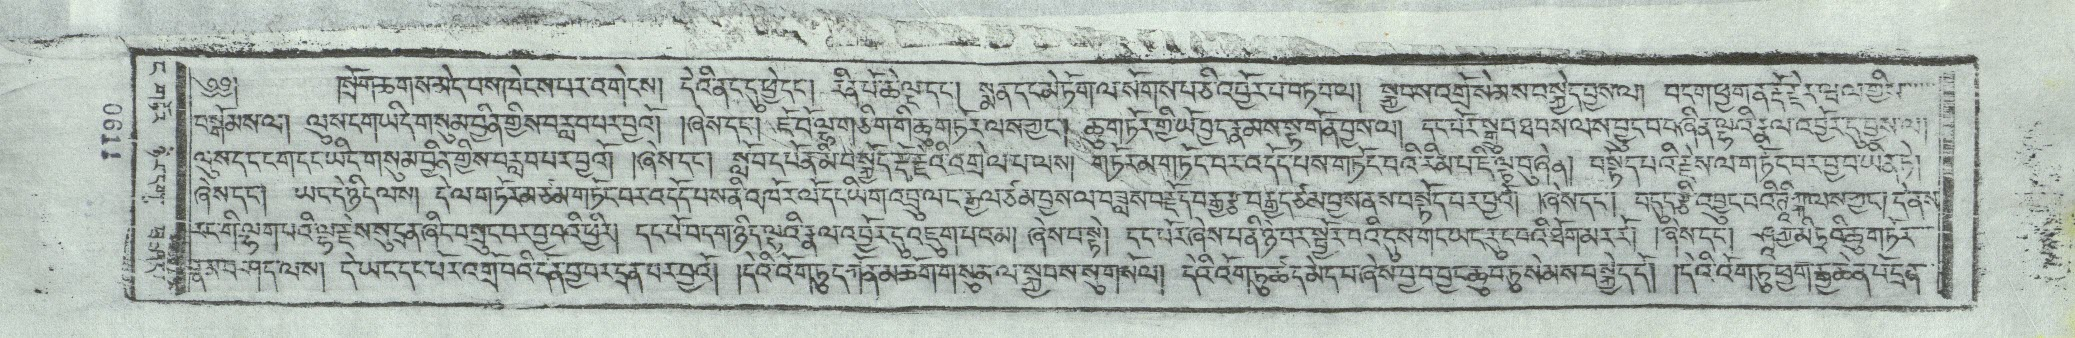༄༅། །སྲོག་ཆགས་མེད་པས་ཁེངས་པར་འགེངས། དེའི་ནང་དུ་ཕྱེ་དང་། རིན་པོ་ཆེ་ལྔ་དང་། སྨན་དང་མེ་ཏོག་ལ་སོགས་པ་ཅི་འབྱོར་པ་བཏབ་ལ། སྐྱབས་འགྲོ་སེམས་བསྐྱེད་བྱས་ལ། བདག་ཕྱག་ན་རྡོ་རྗེར་ཝལ་གྱིས་
བསྒོམས་ལ། ལུས་དག་ཡིད་གསུམ་བྱིན་གྱིས་བརླབ་པར་བྱའོ། །ཞེས་དང་། ཇོ་བོ་ལྷ་གཅིག་གི་ཆུ་གཏོར་ལས་ཀྱང་། ཆུ་གཏོར་གྱི་ཡོ་བྱང་རྣམས་སྟ་གོན་བྱས་ལ། དང་པོར་སྒྲུབ་ཐབས་ལས་བྱུང་བ་བཞིན་ལྷའི་རྣལ་འབྱོར་དུ་བྱས་ལ།
ལུས་དང་ངག་དང་ཡིད་གསུམ་བྱིན་གྱིས་བརླབས་པར་བྱའོ། །ཞེས་དང་། སློབ་དཔོན་མི་བསྐྱོད་རྡོ་རྗེའི་འགྲེལ་པ་ལས། གཏོར་མ་གཏོར་བར་འདོད་པས་གཏོང་བའི་རིམ་པ་ཇི་ལྟ་བུ་ཞེན། བཏོད་པའི་རྗེས་ལ་གཏོང་བར་བྱ་བ་ཡིན་ཏེ།
ཞེས་དང་། ཡང་དེ་ཉིད་ལས། དེ་ལ་གཏོར་མ་ཙམ་གཏོང་བར་འདོད་པས་ནི་འཁོར་ལོ་དང་ཡིག་འབྲུ་ལ་བརྒྱལ་ཙམ་བྱས་ལ་བཟླས་བརྗོད་བརྒྱ་རྩ་བརྒྱད་ཙམ་བྱས་ནས་བསྟོད་པར་བྱའོ། །ཞེས་དང་། བདུད་རྩི་འབྱུང་པའི་ཊཱིཀྐ་ལས་ཀྱང་། དེ་ནས་
རང་གི་ལྷག་པའི་ལྷ་རྗེས་སུ་དྲན་ཞིང་བསྲུང་བར་བྱ་བའི་ཕྱིར། དང་པོ་བདག་ཉིད་ལྷའི་རྣལ་འབྱོར་དུ་འཇུག་པ་འམ། ཞེས་པ་སྟེ། དང་པོར་ཞེས་པ་ནི་ཉེ་བར་སྦྱོར་བའི་དུས་གང་ཡང་རུང་བའི་ཐོག་མར་རོ། །ཞེས་དང་། ཤཱཀྱ་མིཏྲའི་ཆུག་ཏོར་
རྣམ་བཤད་ལས། དེ་ཡང་དང་པོར་འགྲོ་བའི་དོན་བྱ་བར་དྲན་པར་བྱའོ། །དེའི་འོག་ཏུ་དཀོན་མཆོག་གསུམ་ལ་སྐྱབས་སུ་གསོལ། དེའི་འོག་ཏུ་ཚད་མེད་པ་ཞེས་བྱ་བ་བྱང་ཆུབ་ཏུ་སེམས་བསྐྱེད་དོ། །དེའི་འོག་ཏུ་ཕྱག་རྒྱ་ཆེན་པོ་དྲན་